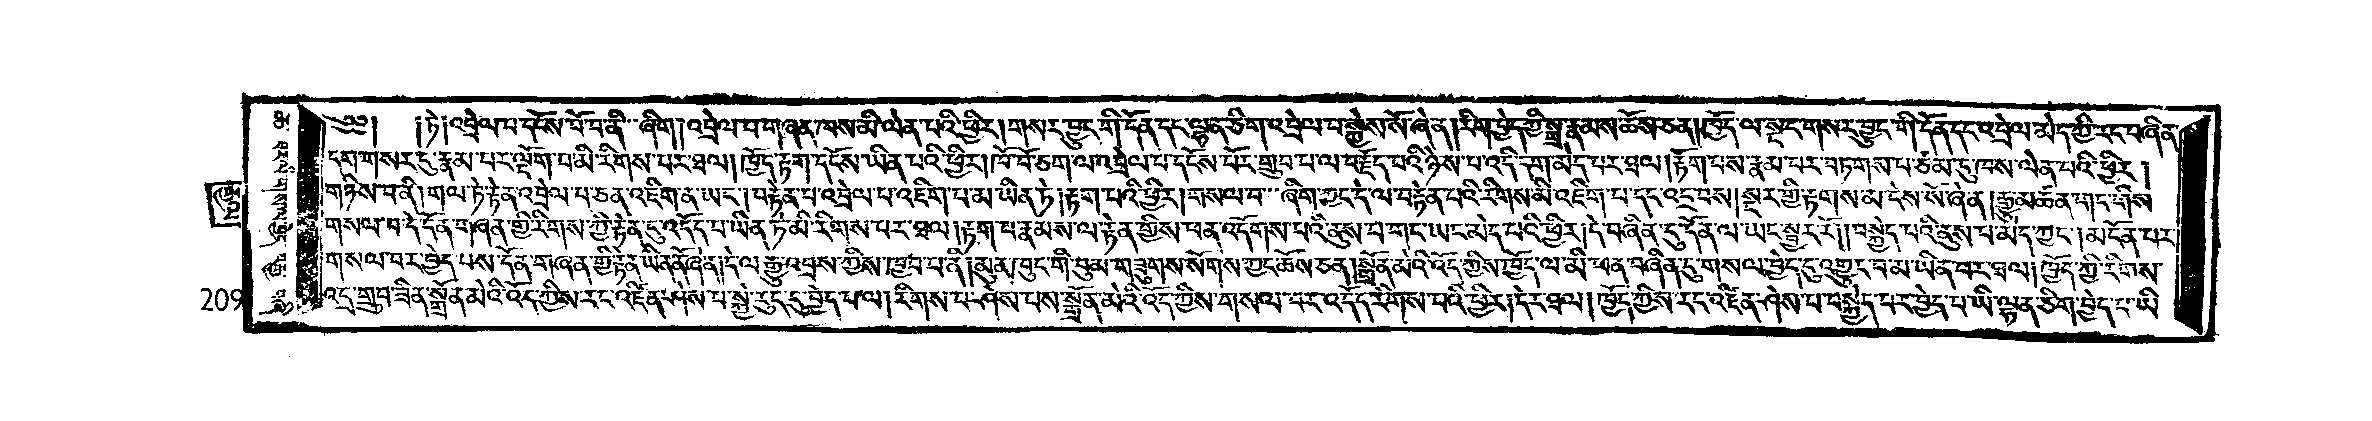༄༅། །ཏེ། འབྲེལ་པ་དངོས་པོ་བ་ནི་ཞིག །འབྲེལ་པ་གཞན་ཁས་མི་ལེན་པའི་ཕྱིར། གསར་བྱུང་གི་དོན་དང་ལྷན་ཅིག་འབྲེལ་པ་སྐྱེས་སོ་ཞེན། རིག་བྱེད་ཀྱི་སྒྲ་རྣམས་ཆོས་ཅན། ཁྱོད་ལ་སྔར་གསར་བྱུང་གི་དོན་དང་འབྲེལ་མེད་ཀྱི་རང་བཞིན་
དག་གསར་དུ་རྣམ་པར་ལྡོག་པ་མི་རིགས་པར་ཐལ། ཁྱོད་རྟག་དངོས་ཡིན་པའི་ཕྱིར། ཁོ་བོ་ཅག་ལ་འབྲེལ་པ་དངོས་པོར་གྲུབ་པ་ལ་བརྗོད་པའི་ཉེས་པ་འདི་དག་མེད་པར་ཐལ། རྟོག་པས་རྣམ་པར་བཏགས་པ་ཙམ་དུ་ཁས་ལེན་པའི་ཕྱིར།
གཉིས་པ་ནི། གལ་ཏེ་རྟེན་འབྲེལ་པ་ཅན་འཇིག་ན་ཡང་། བརྟེན་པ་འབྲེལ་པ་འཇིག་པ་མ་ཡིན་ཏེ། རྟག་པའི་ཕྱིར། གསལ་བ་ཞིག་ཀྱང་དེ་ལ་བརྟེན་པའི་རིགས་མི་འཇིག་པ་དང་འདྲ་བས། སྔར་གྱི་རྟགས་མ་ངེས་སོ་ཞེ་ན། རྒྱུ་མཚན་གང་གིས་
གསལ་བ་དེ་དོན་གཞན་གྱི་རིགས་ཀྱི་རྟེན་དུ་འདོད་པ་ཡིན་ཏེ་མི་རིགས་པར་ཐལ། རྟག་པ་རྣམས་ལ་རྟེན་གྱིས་ཕན་འདོགས་པའི་ནུས་པ་གང་ཡང་མེད་པའི་ཕྱིར། དེ་བཞིན་དུ་དོན་ལ་ཡང་སྦྱར་རོ། །བསྐྱེད་པའི་ནུས་པ་མེད་ཀྱང་། མངོན་པར་
གསལ་བར་བྱེད་པས་དོན་གཞན་གྱི་རྟེན་ཡིན་ནོ་ཞེ་ན། དེ་ལ་རྒྱུ་འབྲས་ཀྱིས་ཁྱབ་པ་ནི། མུན་ཁུང་གི་བུམ་གཟུགས་སོགས་ཀྱང་ཆོས་ཅན། སྒྲོན་མེའི་འོད་ཀྱིས་ཁྱོད་ལ་མི་ཕན་བཞིན་དུ་གསལ་བྱེད་དུ་འགྱུར་བ་མ་ཡིན་པར་ཐལ། ཁྱོད་ཀྱི་རིགས་
འདྲ་གྲུབ་ཟིན་སྒྲོན་མེའི་འོད་ཀྱིས་རང་འཛིན་ཤེས་པ་སྐྱེ་རུང་དུ་བྱེད་པ་ལ། རིགས་པ་ཤེས་པས་སྒྲོན་མེའི་འོད་ཀྱིས་གསལ་བར་འདོད་རིགས་པའི་ཕྱིར། དེར་ཐལ། ཁྱོད་ཀྱིས་རང་འཛིན་ཤེས་པ་བསྐྱེད་པར་བྱེད་པ་ཡི་ལྷན་ཅིག་བྱེད་པ་ཡི་